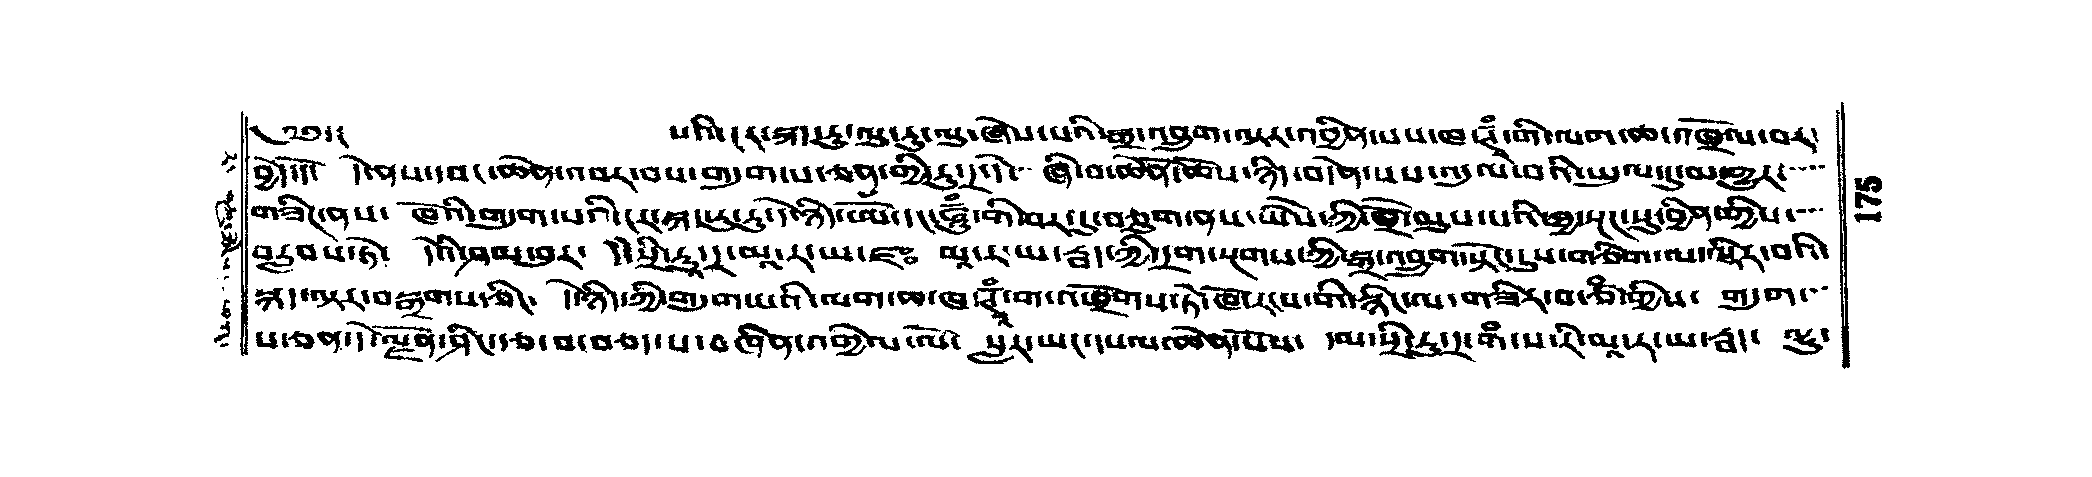པའི་ངར་སྐད་ཏུ་ལུ་རུ་ལུ་ཞེས་པའི་སྒྲ་འབྲུག་ལྟར་འབྱིན་པས་ཁ་ཊྭྃ་གི་ལག་ཆ་འཁྲོལ་བར་
བྱེད་དོ།དེ་ནས་དབང་ཆེན་འབར་བས་གདུག་པ་ཅན་གྱི་རུ་དྲ་དེ་ཞི་བ་ཆེན་པོ་ཆོས་ཉིད་བདེན་པས་འདུལ་བའི་ཡུལ་དུ་མ་གྱུར་
གཟིགས་ནས། ཁོའི་གདུག་པའི་ངར་སྐད་རུ་རུ་དེ་ཉིད་ཨོ་དང་ཧཱུྃ་གི་བར་དུ་བཅུག་ནས་ཡེ་ཤེས་ཀྱི་ཁྲོ་བོ་མུས་པའི་ཐུགས་སྔགས་སུ་བྱིན་གྱིས་
བརླབས་ཏེ། དེའི་ཤམ་བུར། དམ་སྲི་རཱུ་དྲ་མཱ་ར་ཡ་ཛཿ མཱ་ར་ཡ་རྦད་ཀྱི་དྲག་སྔགས་ཀྱི་སྒྲ་འབྲུག་སྟོང་དུས་གཅིག་ལ་ལྡེར་བའི་
སྐད་ལྟར་བསྒྲགས་ཅིང་། དེ་ཉིད་གདུག་པའི་ལག་ཆ་ཁ་ཊྭཱྃ་ག་འཕྲོགས་ཏེ་ཁོ་རང་གི་སྙིང་ལ་གཟིར་བ་ཙམ་གྱིས། གདུག་
པ་ཅན་དེ་ལྗོན་ཤིང་རྩ་བ་བཅད་པ་བཞིན་འགྱིལ་ལོ། སླར་ཡང་དཔལ་ཆེན་པོས། དམ་སྲིད་རུ་དྲ་གཾ་ས་རི་མཱ་ར་ཡ་རྦ། ལྷུ་